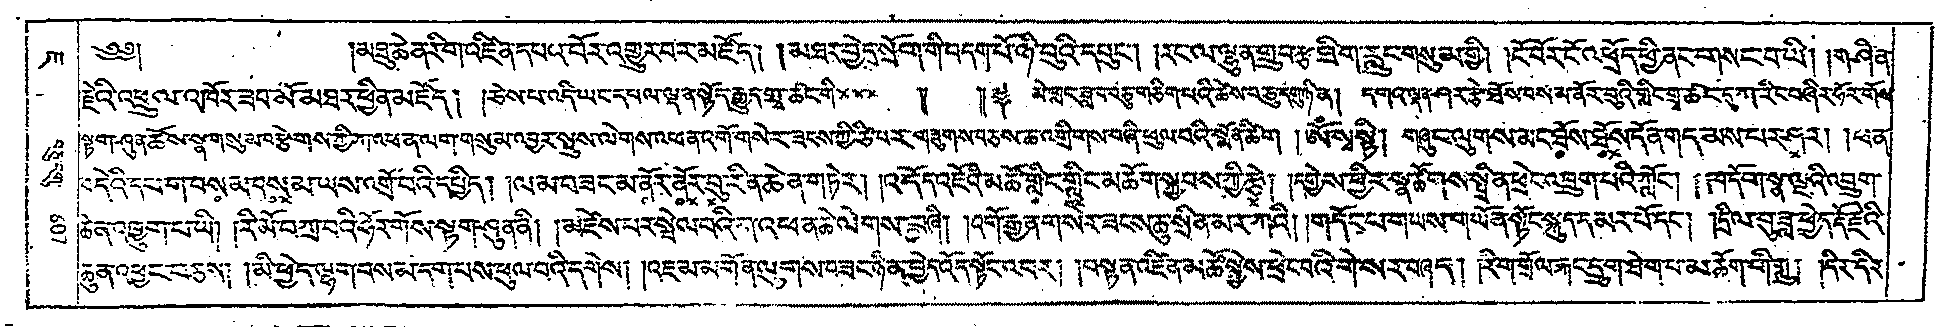༄༅། །མཐུ་ཆེན་རིག་འཛིན་དཔའ་བོར་འགྱུར་བར་མཛོད། །མཐར་བྱེད་སྲོག་གི་བདག་པོ་ཉི་བུའི་དཔུང་། །རང་ལ་ལྷུན་གྲུབ་རྩ་ཐིག་རླུང་གསུམ་གྱི། །ངོ་བོར་ངོ་འཕྲོད་ཕྱི་ནང་གསང་བ་ཡི། །གཤིན་
རྗེའི་འཕྲུལ་འཁོར་ཟབ་མོ་མཐར་ཕྱིན་མཛོད། །ཅེས་པ་འདི་ཡང་དཔལ་ལྡན་སྟོད་རྒྱུད་གྲྭ་ཚང་གི་྾་྾་྾་།། །།༈ མེ་གླང་ཟླ་བ་བཅུ་གཅིག་པའི་ཚེས་བཅུ་དགུ་ཉིན། དགའ་ལྡན་ཤར་རྩེ་ཐོས་བསམ་ནོར་བུའི་གླིང་གྲྭ་ཚང་དུ་ཀ་རིང་བཞིར་ཧོར་གོས་
སྟག་ཤུན་ཚོས་སྣ་གསུམ་བརྩེགས་ཀྱི་ཀ་འཕན་ལག་གསུམ་འབྱར་སྤུས་ལེགས་འཕན་འགོ་གསེར་ཟངས་ཀྱི་ཙི་པར་གཟུགས་བཅས་ཆ་འགྲིགས་བཞི་ཕུལ་བའི་སྨོན་ཚིག ། ཨོཾ་སྭསྟི། གཞུང་ལུགས་མང་ཐོས྾་ཐོས྾་྾་དོན་གདམས་པར་྾་ཤར། །ཕན་
བདེའི་དཔག་བསམ྾་བསམ྾་྾་ཡས་འགྲོ་བའི་དཔྱིད། །ལམ་བཟང་མ་ནོར྾་ནོར྾་྾་བུ་྾་རིན་ཆེན་གཏེར། །འདོད་འཇོའི་མཚོ་གླིང྾་གླིང྾་྾་མཆོག་སྐྱབས་ཀྱི་རྩེ་྾། །དགྱེས་ཕྱིར་སྣ་ཚོགས་སྤྲིན་ཕྲེང་འཁྲུག་པའི་ཀློང་། །ཁ་དོག་སྣ་ལྔའི་འབྲུག་
ཆེན་འཁྱུག་པ་ཡི། །རི་མོ་བཀྲ་བའི་ཧོར་གོས་སྟག་ཤུན་ནི། །མཛེས་པར་སྤེལ་བའི་ཀ་འཕན་ཆེ་ལེགས་བཞི། །འགོ་རྒྱན་གསེར་ཟངས་ཆུ་སྲིན་མ་ར་ཀའི། །གདོང་པ་གཡས་གཡོན་སྟོང་སྐུད་དམར་པོ་དང་། །དྲིལ་བུ་ཟླ་ཕྱེད་རྡོ་རྗེའི་
ཆུན་འཕྱང་བཅས། །མི་ཕྱེད་ལྷག་བསམ་དག་པས་ཕུལ་བའི་དགེས། །འཇམ་མགོན་ལུགས་བཟང་ཉིན་བྱེད་འོད་སྟོང་འབར། །བསྟན་འཛིན་མཚོ་སྐྱེས་ཕྲེང་བའི་གེ་སར་བཞད། །རིག་གྲོལ་རྐང་དྲུག་ཐེག་པ་མཆོག་གི་གླུ། །དིར་དིར་